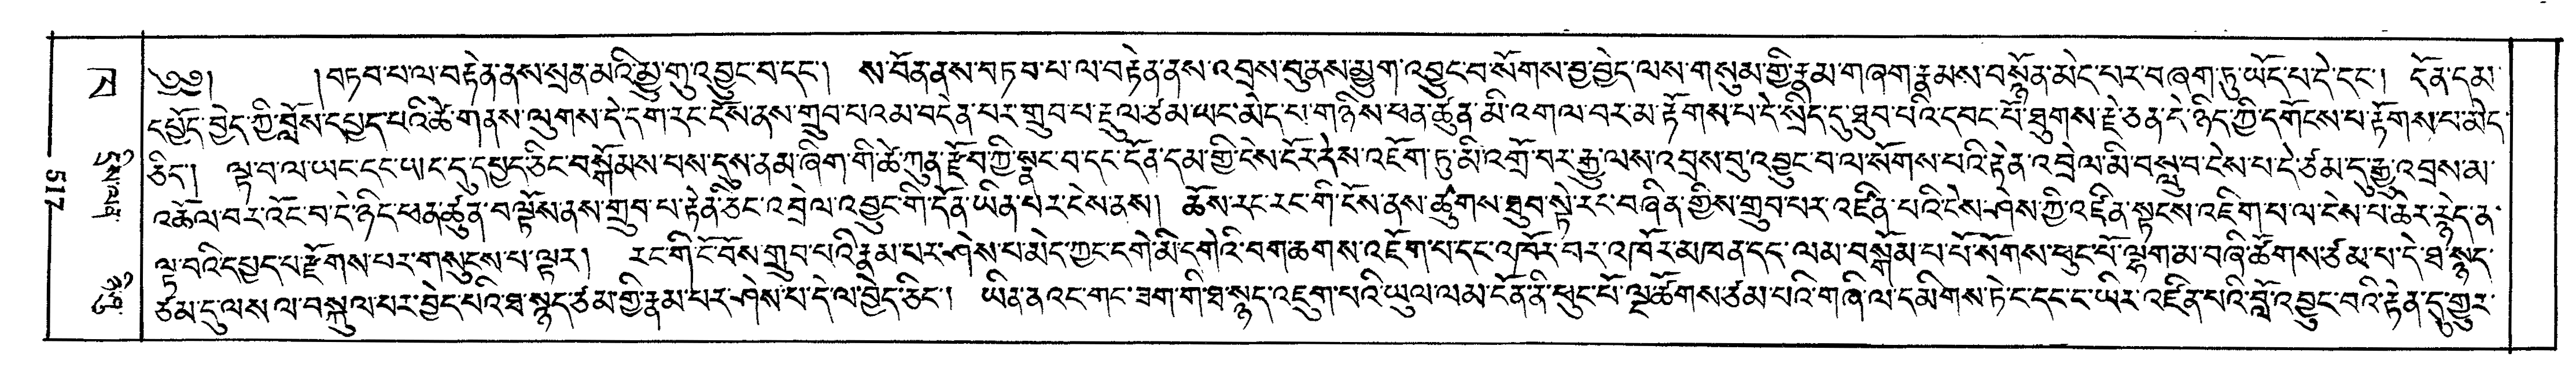༄༅། །བཏབ་པ་ལ་བརྟེན་ནས་སྲན་མའི་མྱུ་གུ་འབྱུང་བ་དང་། ས་བོན་ནས་བཏབ་པ་ལ་བརྟེན་ནས་འབྲས་བུ་ནས་མྱུག་འབྱུང་བ་སོགས་བྱ་བྱེད་ལས་གསུམ་གྱི་རྣམ་གཞག་རྣམས་བསྙོན་མེད་པར་བཞག་ཏུ་ཡོད་པ་དེ་དང་། དོན་དམ་
དཔྱོད་བྱེད་ཀྱི་བློས་དཔྱད་པའི་ཚེ་གནས་ལུགས་དེ་དག་རང་ངོས་ནས་གྲུབ་པའམ་བདེན་པར་གྲུབ་པ་རྡུལ་ཙམ་ཡང་མེད་པ་གཉིས་ཕན་ཚུན་མི་འགལ་བར་མ་རྟོགས་པ་དེ་སྲིད་དུ་ཐུབ་པའི་དབང་པོ་ཐུགས་རྗེ་ཅན་དེ་ཉིད་ཀྱི་དགོངས་པ་རྟོགས་པ་མེད་
ཅིང་། ལྟ་བ་ལ་ཡང་དང་ཡང་དུ་དཔྱད་ཅིང་བསྒོམས་པས་དུས་ནམ་ཞིག་གི་ཚེ་ཀུན་རྫོབ་ཀྱི་སྣང་བ་དང་དོན་དམ་གྱི་ངེས་ངོར་རེས་འཇོག་ཏུ་མི་འགྲོ་བར་རྒྱུ་ལས་འབྲས་བུ་འབྱུང་བ་ལ་སོགས་པའི་རྟེན་འབྲེལ་མི་བསླུ་བ་ངེས་པ་དེ་ཙམ་དུ་རྒྱུ་འབྲས་མ་
འཚོལ་བར་འོང་བ་དེ་ཉིད་ཕན་ཚུན་བལྟོས་ནས་གྲུབ་པ་རྟེན་ཅིང་འབྲེལ་འབྱུང་གི་དོན་ཡིན་པར་ངེས་ནས། ཆོས་རང་རང་གི་ངོས་ནས་ཚུགས་ཐུབ་སྟེ་རང་བཞིན་གྱིས་གྲུབ་པར་འཛིན་པའི་ངེས་ཤེས་ཀྱི་འཛིན་སྟངས་འཇིག་པ་ལ་ངེས་པ་ཆེར་རྙེད་ན་
ལྟ་བའི་དཔྱད་པ་རྫོགས་པར་གསུངས་པ་ལྟར། རང་གི་ངོ་བོས་གྲུབ་པའི་རྣམ་པར་ཤེས་པ་མེད་ཀྱང་དགེ་མི་དགེའི་བག་ཆགས་འཇོག་པ་དང་འཁོར་བར་འཁོར་མཁན་དང་ལམ་བསྒོམ་པ་པོ་སོགས་ཕུང་པོ་ལྷག་མ་བཞི་ཚོགས་ཙམ་བ་དེ་ཐ་སྙད་
ཙམ་དུ་ལས་ལ་བསྐུལ་པར་བྱེད་པའི་ཐ་སྙད་ཙམ་གྱི་རྣམ་པར་ཤེས་པ་དེ་ལ་བྱེད་ཅིང་། ཡིན་ནའང་གང་ཟག་གི་ཐ་སྙད་འཇུག་པའི་ཡུལ་ལམ་དོན་ནི་ཕུང་པོ་ལྔ་ཚོགས་ཙམ་པའི་གཞི་ལ་དམིགས་ཏེ་ང་དང་ང་ཡིར་འཛིན་པའི་བློ་འབྱུང་བའི་རྟེན་དུ་གྱུར་